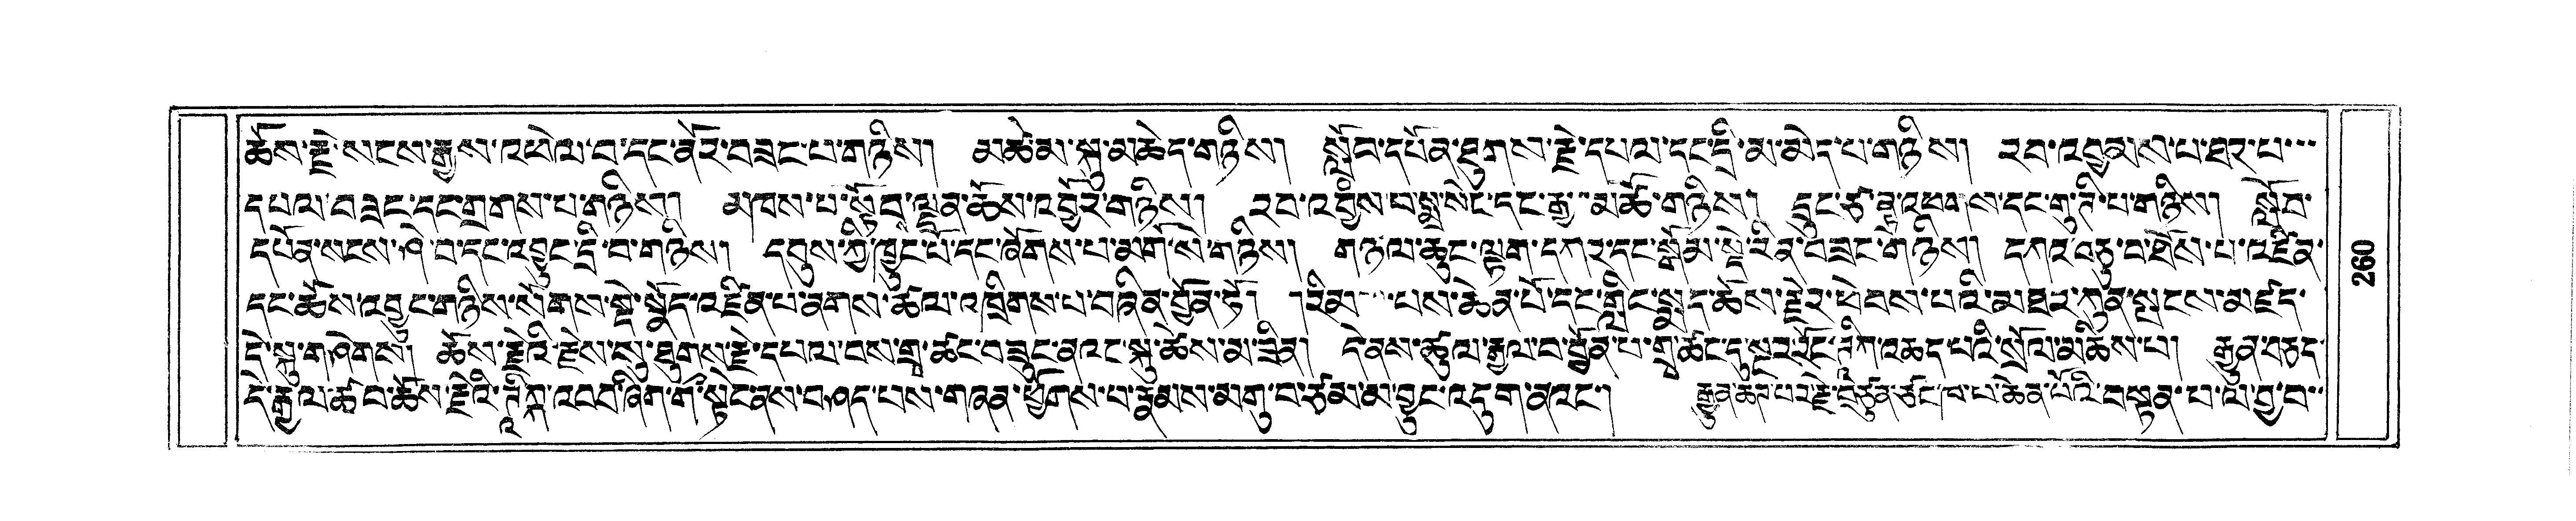ཆོས་རྗེ་སངས་རྒྱས་འཕེལ་བ་དང་ནོར་བཟང་པ་གཉིས། མཚེ་མ་སྐུ་མཆེད་གཉིས། སློབ་དཔོན་ཐུགས་རྗེ་དཔལ་དང་དྲི་མ་མེད་པ་གཉིས། རབ་འབྱམས་པ་ཐར་པ་
དཔལ་བཟངས་དང་གྲགས་པ་གཉིས། མཁས་པ་སྟོབ་ལྡན་ཆོས་འབྱོར་གཉིས། རབ་འབྱཾས་བ་སྲམ་སེང་དང་རྒྱམ་ཚོ་གཉིས། དྲུང་ཙ་ནྟ་འཕགས་དང་གུ་ཊི་པ་གཉིས། སློབ་
དཔོན་སངས་རྒྱས་ཤེ་བ་དང་འབྱུང་དྲི་བ་གཉིས། དབུས་ཀྱི་ཁྱུང་པོ་དང་ཞོགས་པ་མགོ་སེ་གཉིས། གཉལ་ཆུང་ལྟག་དཀར་དང་སྒོམ་སྡེ་རིན་བཟང་གཉིས། དཀའ་བཅུ་བ་ཐོས་པ་འཛིན་
དང་ཆོས་འབྱུང་གཉིས་སོགས་སྡེ་སྣོད་འཛིན་པ་ནགས་ཚལ་འཁྲིགས་པ་བཞིན་བྱོན་ཏོ། །རིམ་པས་ཆེན་པོ་དང་གླིང་སྨད་ཆོས་རྗེར་ཕེབས་པའི་མཐར་ཀུན་སྤངས་མཛད་
དེ་སྐུ་གཤེགས། ཆོས་རྗེའི་རྗེས་སུ་ཐུགས་རྗེ་དཔལ་བས་གྲྭ་ཚང་བཟུང་ནའང་སྐུ་ཚེས་མ་ཟིན། དེ་ནས་ཚུལ་རྒྱལ་བ་བྱོན་པ་གྲྭ་ཚང་དུ་སྔར་རོན་ཊྰྐ་འཆད་པའི་སྲོལ་མཆིས་པ། རྒྱུན་བཅད་
དེ་རྒྱལ་ཚབ་ཆོས་རྗེའི་ཊཱིཀྐ་འབབ་ཞིག་གྀ་སྟེང་ནས་བཤད་པས་གཞན་ཕྱོགས་པ་རྣམས་མགུ་བ་ཙམ་མ་བྱུང་འདུག་ནའང་། རྒྱུན་ཆཊ་པར་རྗེ་བཙུན་ཙང་ཁ་པ་ཆེན་པོའི་བསྟན་པ་ལ་བྱ་བ་